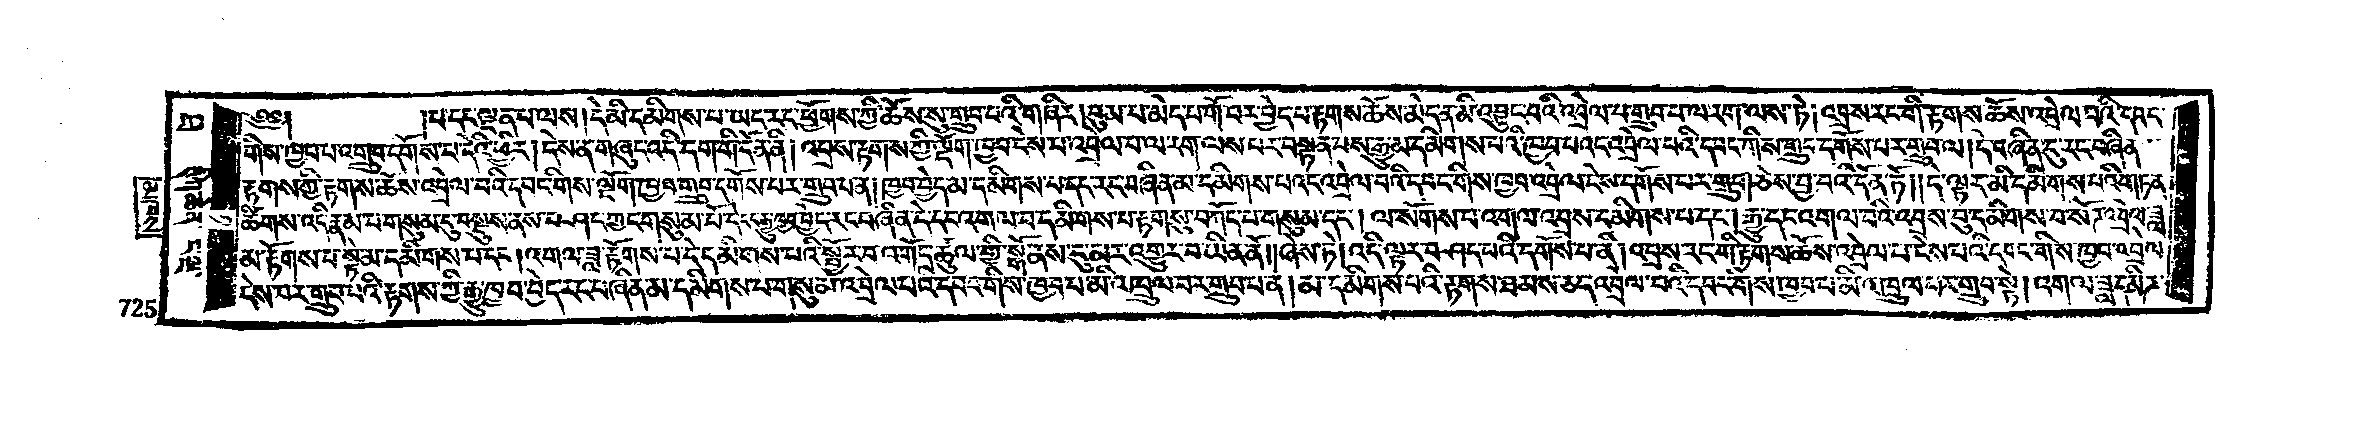༄༅། །པ་དང་ལྡན་པ་ལས། དེ་མི་དམིགས་པ་ཡང་རང་ཕྱོགས་ཀྱི་ཆོས་སུ་གྲུབ་པའི་གཞིར། བུམ་པ་མེད་པ་གོ་བར་བྱེད་པ་རྟགས་ཆོས་མེད་ན་མི་འབྱུང་བའི་འབྲེལ་བ་གྲུབ་པ་ལ་རག་ལས་ཏེ། འབྲས་རང་གི་རྟགས་ཆོས་འབྲེལ་བའི་དབང་
གིས་ཁྱབ་པ་འགྲུབ་དགོས་པ་དེའི་ཕྱིར། དེས་ན་གཞུང་འདི་དག་གི་དོན་ནི། འབྲས་རྟགས་ཀྱི་ལྡོག་ཁྱབ་ངེས་པ་འབྲེལ་བ་ལ་རག་ལས་པར་བསྟན་པས་རྒྱུ་མ་དམིགས་པའི་ཁྱབ་པའང་འབྲེལ་བའི་དབང་གིས་གྲུབ་དགོས་པར་གྲུབ་ལ། དེ་བཞིན་དུ་རང་བཞིན་
རྟགས་ཀྱི་རྟགས་ཆོས་འབྲེལ་བའི་དབང་གིས་ལྡོག་ཁྱབ་གྲུབ་དགོས་པར་གྲུབ་པ་ན། ཁྱབ་བྱེད་མ་དམིགས་པ་དང་རང་བཞིན་མ་དམིགས་པའང་འབྲེལ་བའི་དབང་གིས་ཁྱབ་འབྲེལ་ངེས་དགོས་པར་གྲུབ། ཅེས་བྱ་བའི་དོན་ཏོ། །དེ་ལྟར་མི་དམིགས་པའི་གཏན་
ཚིགས་འདི་རྣམ་པ་གསུམ་དུ་བསྡུས་ནས་བཤད་ཀྱང་གསུམ་པོ་དེ་དང་རྒྱུ་ཁྱབ་བྱེད་རང་བཞིན་དེ་དང་འགལ་བ་དམིགས་པ་རྟགས་སུ་བཀོད་པ་གསུམ་དང་། ལ་སོགས་པ་འགལ་འབྲས་དམིགས་པ་དང་། རྒྱུ་དང་འགལ་བའི་འབྲས་བུ་དམིགས་པ་སོགས་འབྲེལ་ཟླ་
མ་རྟོགས་པ་སྟེ་མ་དམིགས་པ་དང་། འགལ་ཟླ་རྟོགས་པ་དེ་དམིགས་པའི་སྦྱོར་བ་འགོད་ཚུལ་གྱི་སྒོ་ནས་དུ་མར་འགྱུར་བ་ཡིན་ནོ། །ཞེས་ཏེ། འདི་ལྟར་བཤད་པའི་དགོས་པ་ནི། འབྲས་རང་གི་རྟགས་ཆོས་འབྲེལ་བ་ངེས་པའི་དབང་གིས་ཁྱབ་འབྲེལ་
ངེས་པར་གྲུབ་པའི་རྟགས་ཀྱི་རྒྱུ་ཁྱབ་བྱེད་རང་བཞིན་མ་དམིགས་པ་གསུམ་འབྲེལ་བའི་དབང་གིས་ཁྱབ་པ་མི་འཁྲུལ་བར་གྲུབ་པ་ན། མ་དམིགས་པའི་རྟགས་ཐམས་ཅད་འབྲེལ་བའི་དབང་གིས་ཁྱབ་པ་མི་འཁྲུལ་པར་གྲུབ་སྟེ། འགལ་ཟླ་དམིགས་